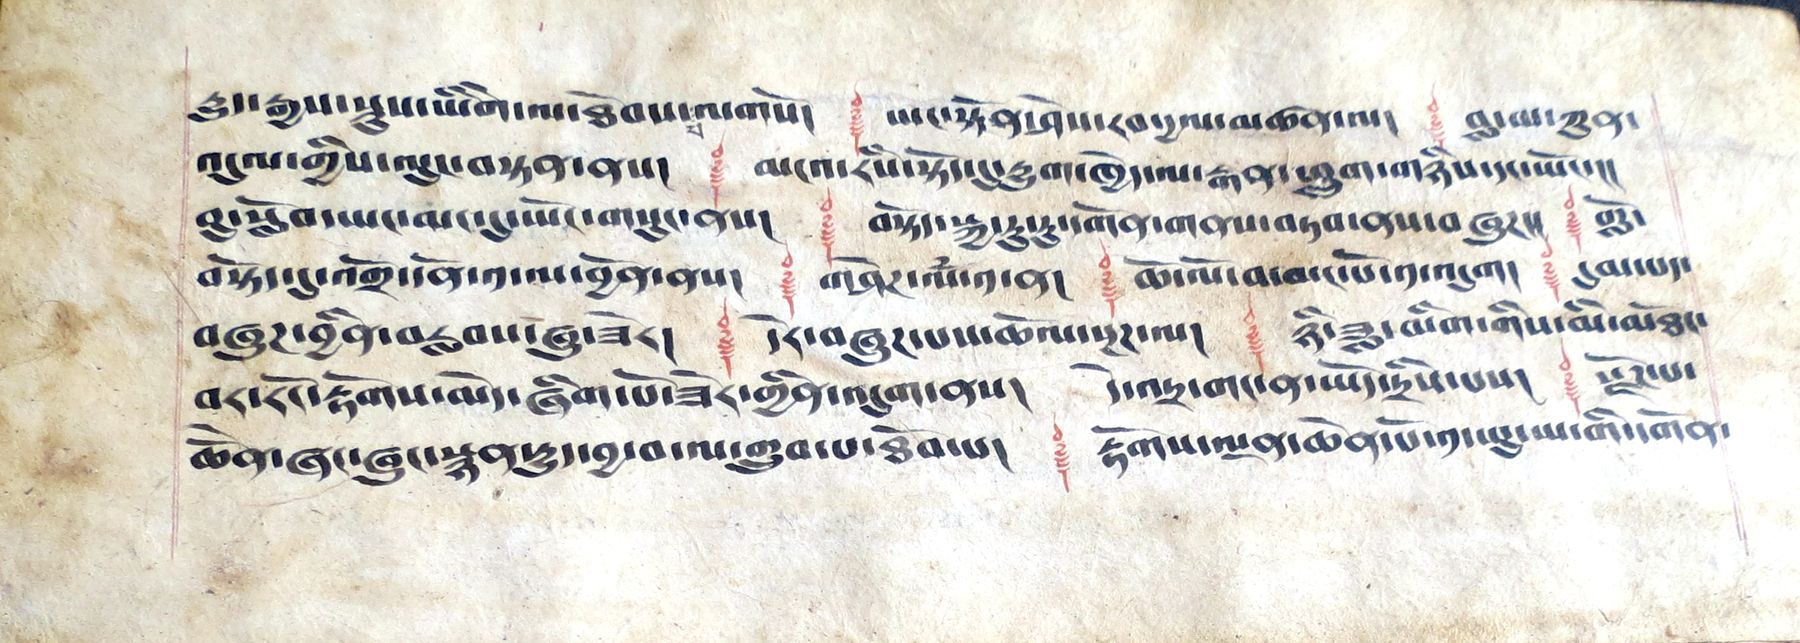རྒྱུད་རྒྱས་བསྡུས་ཡི་གེ་ལ་ཐེབས་པ་ལགས་སོ། ། ཡང་སྟོན་ཤེས་རབ་རྒྱལ་མཚན་ལ། བླ་མ་ཀུན་
འདུལ་གྱིས་ལུང་བསྟན་ནས། མངའ་རིས་སྟོད་དུ་རྒྱུག་ཁྱེད་ལ་རྒན་ཕྲུག་གཉིས་ཀྱང་ཡོང་། 
བུ་སློབ་ཡང་མང་དུ་ཡོང་གསུངས་ནས། སྟོད་སྐྱ་རུ་རུ་དགོན་གནས་བཏབ་ནས་བཞུགས། གློད་
སྟོད་དུ་འགྲོ་དོན་ཞིག་ལ་བྱོན་ནས། གཤེགས་ལམ་ཞིག་ན། ཆོ་ལོ་བ་མང་པོ་ཞིག་འདུག དུམ་པད་
བཞུགས་བྱིན་རླབས་ཞུ་ཟེར། དེར་བཞུགས་པས་ཆོལ་སྔགས་ལ། ཉི་ཟླ་མིག་གིས་མི་མཐོང་
བར་རང་རྟོག་མེད་ཞིག་པོ་ཟེར་གྱིན་འདུག་ནས། དེ་འདྲ་གང་ན་ཡོད་དྲིས་པས། རྫོགས་པ་
ཆེན་པོ་ཞང་ཞུང་སྙན་རྒྱུད་ལ་གྲུབ་པ་ཐོབ་པ། རྟོགས་ལྡན་ཆེན་པོ་ཞིག་ཕུ་ཡ་གི་དགོན་